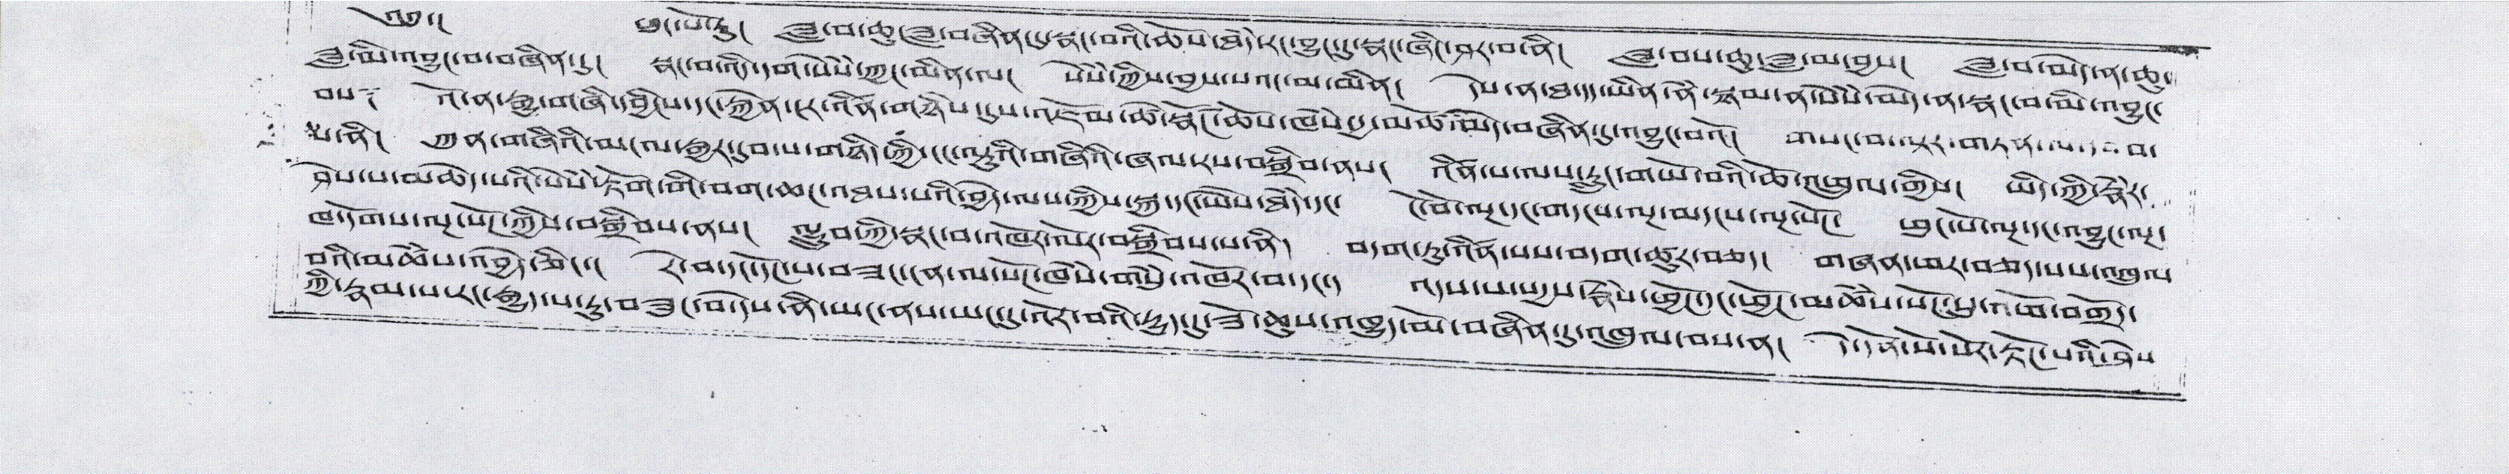ཕུང་པོ་རུ། ཟླ་བ་ཆུ་ཟླ་བཞིན་ད་སྣང་བའི་ཆོས་ཐམས་ཅད་རང་བྱུང་དུ་སྣང་ཞིང་ཤར་བ་ནི། ཟླ་བས་ཆུ་ཟླ་མ་བྱས། ཟླ་བ་མེད་ན་ཆུ་
ཟླ་མི་འབྱུང་བ་བཞིན་དུ། སྣང་བ་འདི་དག་སེམས་ཀྱང་མིན་ལ། སེམས་ཀྱིས་བྱས་པའང་མ་ཡིན། དེས་ན་ཐ་དད་ཡིན་ནམ་སྙམ་ན་སེམས་མེད་ན་སྣང་བ་མི་འབྱུང་
བས། འོ་ན་རྒྱུ་གཞི་དབྱིངས་དང་རྐྱེན་ངར་འཛིན་གཉིས་དུས་འཇོམ་ཚེ་སྣ་ཚོགས་ཆོས་ཁམས་རྒྱ་མཚོ་མེད་བཞིན་དུ་འབྱུང་བའོ། གསང་བ་ལྟར་གཏན་ལ་དབབ་
པ་ནི། ཀུན་གཞིའི་མངལ་རྒྱར་དུབ་པ་གཉིད་ཀྱི་ངང་ལྟ་བུའི་གཞིའི་ཞལ་རས་བསྒྲིབ་ནས། འཛིན་པ་ལས་རླུང་གཡོ་བའི་ཆོ་འཕྲུལ་གྱིས། ཡིད་ཀྱི་རྣམ་པར་
ཤེས་པ་མཆེད་པའི་སེམས་རྟོག་གི་བག་ཆགས་འཐས་པའི་བྱེད་ལས་ཀྱིས་སྐུ་དང་ཡེ་ཤེས་ཐམས་ཅད་དང། ངོ་བོ་ལྔ་དང་གདངས་ལྔ་མདངས་ལྔ་སོགས། ཕུང་པོ་ལྔ་དང་འབྱུང་ལྔ་
ཁ་དོག་ལྔ་སོགས་ཀྱིས་བསྒྲིབས་ནས། ལྷུན་གྲུབ་ཀྱི་སྣང་བ་འཁོར་ལོར་བསྒྲིབས་པ་ནི། བདག་ཏུ་འཛིན་པས་བདག་ཚུར་བཅད། གཞན་ཕར་བཅད་པས་འཁྲུལ་
བའི་མཚམས་འབྱེད་ཅིང། རེ་བ་དང་དོགས་ས་བཟང་ངན་ལ་སོགས་ཁམས་གསུམ་འཁོར་བ་དང། འདས་པ་སངས་རྒྱས་རྣམས་ཕྱོགས་དང་ཕྱོགས་མཚམས་སོགས་སུ་འཕོ་བགྲོད་
ཀྱི་རྣམ་པ་རང་རྒྱུད་ས་རུ་བཟུང་བ་དེས་ནི་ཡང་ནས་ཡང་དུ་འཁོར་བའི་རྒྱུད་དུ་ཟོ་ཆུས་འཁྱུད་མོ་བཞིན་དུ་འཁྲུལ་བས་ན། དེ་དོན་སོ་སོར་རྟོགས་པའི་ཤེས་